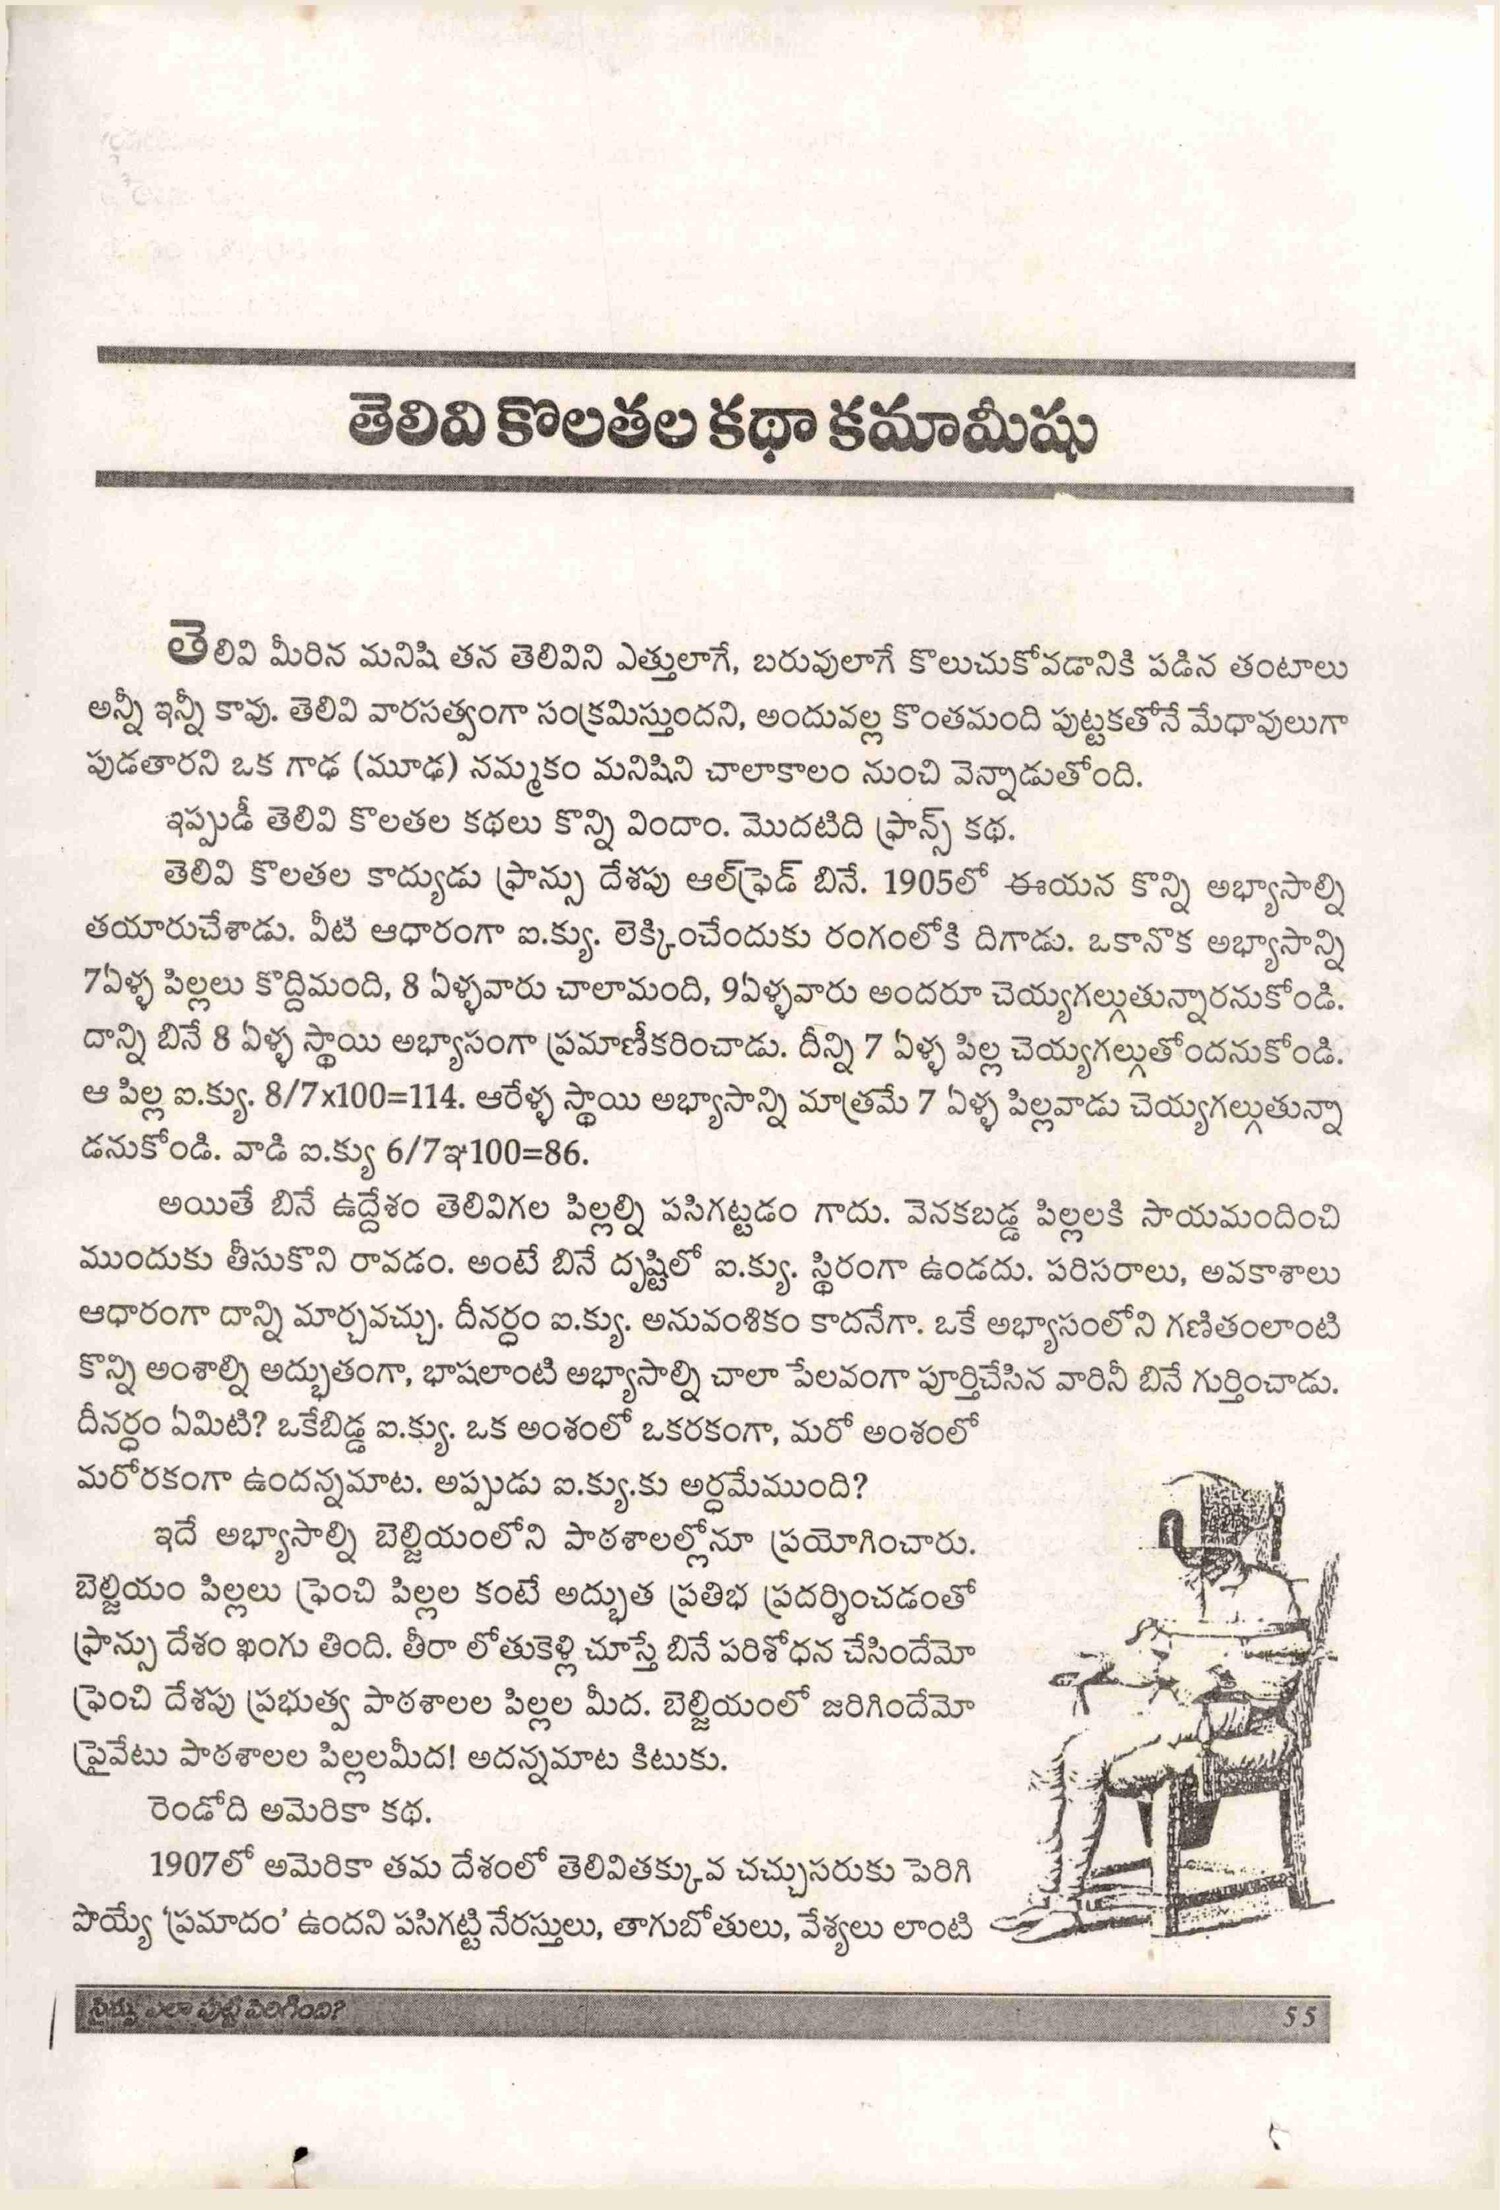తెలివి కొలతల కథా కమామీషు

తెలివి మీరిన మనిషి తన తెలివిని ఎత్తులాగే, బరువులాగే కొలుచుకోవడానికి పడిన తంటాలు అన్నీ ఇన్నీ కావు. తెలివి వారసత్వంగా సంక్రమిస్తుందని, అందువల్ల కొంతమంది పుట్టకతోనే మేధావులుగా పుడతారని ఒక గాఢ (మూఢ) నమ్మకం మనిషిని చాలాకాలం నుంచి వెన్నాడుతోంది.

ఇప్పుడీ తెలివి కొలతల కథలు కొన్ని విందాం. మొదటిది ఫ్రాన్స్ కథ.

తెలివి కొలతల కాద్యుడు ఫ్రాన్సు దేశపు ఆల్‌ఫ్రెడ్ బినే. 1905లో ఈయన కొన్ని అభ్యాసాల్ని తయారుచేశాడు. వీటి ఆధారంగా ఐ.క్యు. లెక్కించేందుకు రంగంలోకి దిగాడు. ఒకానొక అభ్యాసాన్ని 7ఏళ్ళ పిల్లలు కొద్దిమంది, 8 ఏళ్ళవారు చాలామంది, 9ఏళ్ళవారు అందరూ చెయ్యగల్గుతున్నారనుకోండి. దాన్ని బినే 8 ఏళ్ళ స్థాయి అభ్యాసంగా ప్రమాణీకరించాడు. దీన్ని 7 ఏళ్ళ పిల్ల చెయ్యగల్గుతోందనుకోండి. ఆ పిల్ల ఐ.క్యు. 8/7x100=114. ఆరేళ్ళ స్థాయి అభ్యాసాన్ని మాత్రమే 7 ఏళ్ళ పిల్లవాడు చెయ్యగల్గుతున్నా డనుకోండి. వాడి ఐ.క్యు 6/7ఞ100=86.

అయితే బినే ఉద్దేశం తెలివిగల పిల్లల్ని పసిగట్టడం గాదు. వెనకబడ్డ పిల్లలకి సాయమందించి ముందుకు తీసుకొని రావడం. అంటే బినే దృష్టిలో ఐ.క్యు. స్థిరంగా ఉండదు. పరిసరాలు, అవకాశాలు ఆధారంగా దాన్ని మార్చవచ్చు. దీనర్ధం ఐ.క్యు. అనువంశికం కాదనేగా. ఒకే అభ్యాసంలోని గణితంలాంటి కొన్ని అంశాల్ని అద్భుతంగా, భాషలాంటి అభ్యాసాల్ని చాలా పేలవంగా పూర్తిచేసిన వారినీ బినే గుర్తించాడు. దీనర్ధం ఏమిటి? ఒకేబిడ్డ ఐ.క్యు. ఒక అంశంలో ఒకరకంగా, మరో అంశంలో మరోరకంగా ఉందన్నమాట. అప్పుడు ఐ.క్యు.కు అర్ధమేముంది?

ఇదే అభ్యాసాల్ని బెల్జియంలోని పాఠశాలల్లోనూ ప్రయోగించారు. బెల్జియం పిల్లలు ఫ్రెంచి పిల్లల కంటే అద్భుత ప్రతిభ ప్రదర్శించడంతో ఫ్రాన్సు దేశం ఖంగు తింది. తీరా లోతుకెళ్లి చూస్తే బినే పరిశోధన చేసిందేమో ఫ్రెంచి దేశపు ప్రభుత్వ పాఠశాలల పిల్లల మీద. బెల్జియంలో జరిగిందేమో ప్రైవేటు పాఠశాలల పిల్లలమీద! అదన్నమాట కిటుకు.

రెండోది అమెరికా కథ.

1907లో అమెరికా తమ దేశంలో తెలివితక్కువ చచ్చుసరుకు పెరిగిపొయ్యే 'ప్రమాదం' ఉందని పసిగట్టి నేరస్తులు, తాగుబోతులు, వేశ్యలు లాంటి